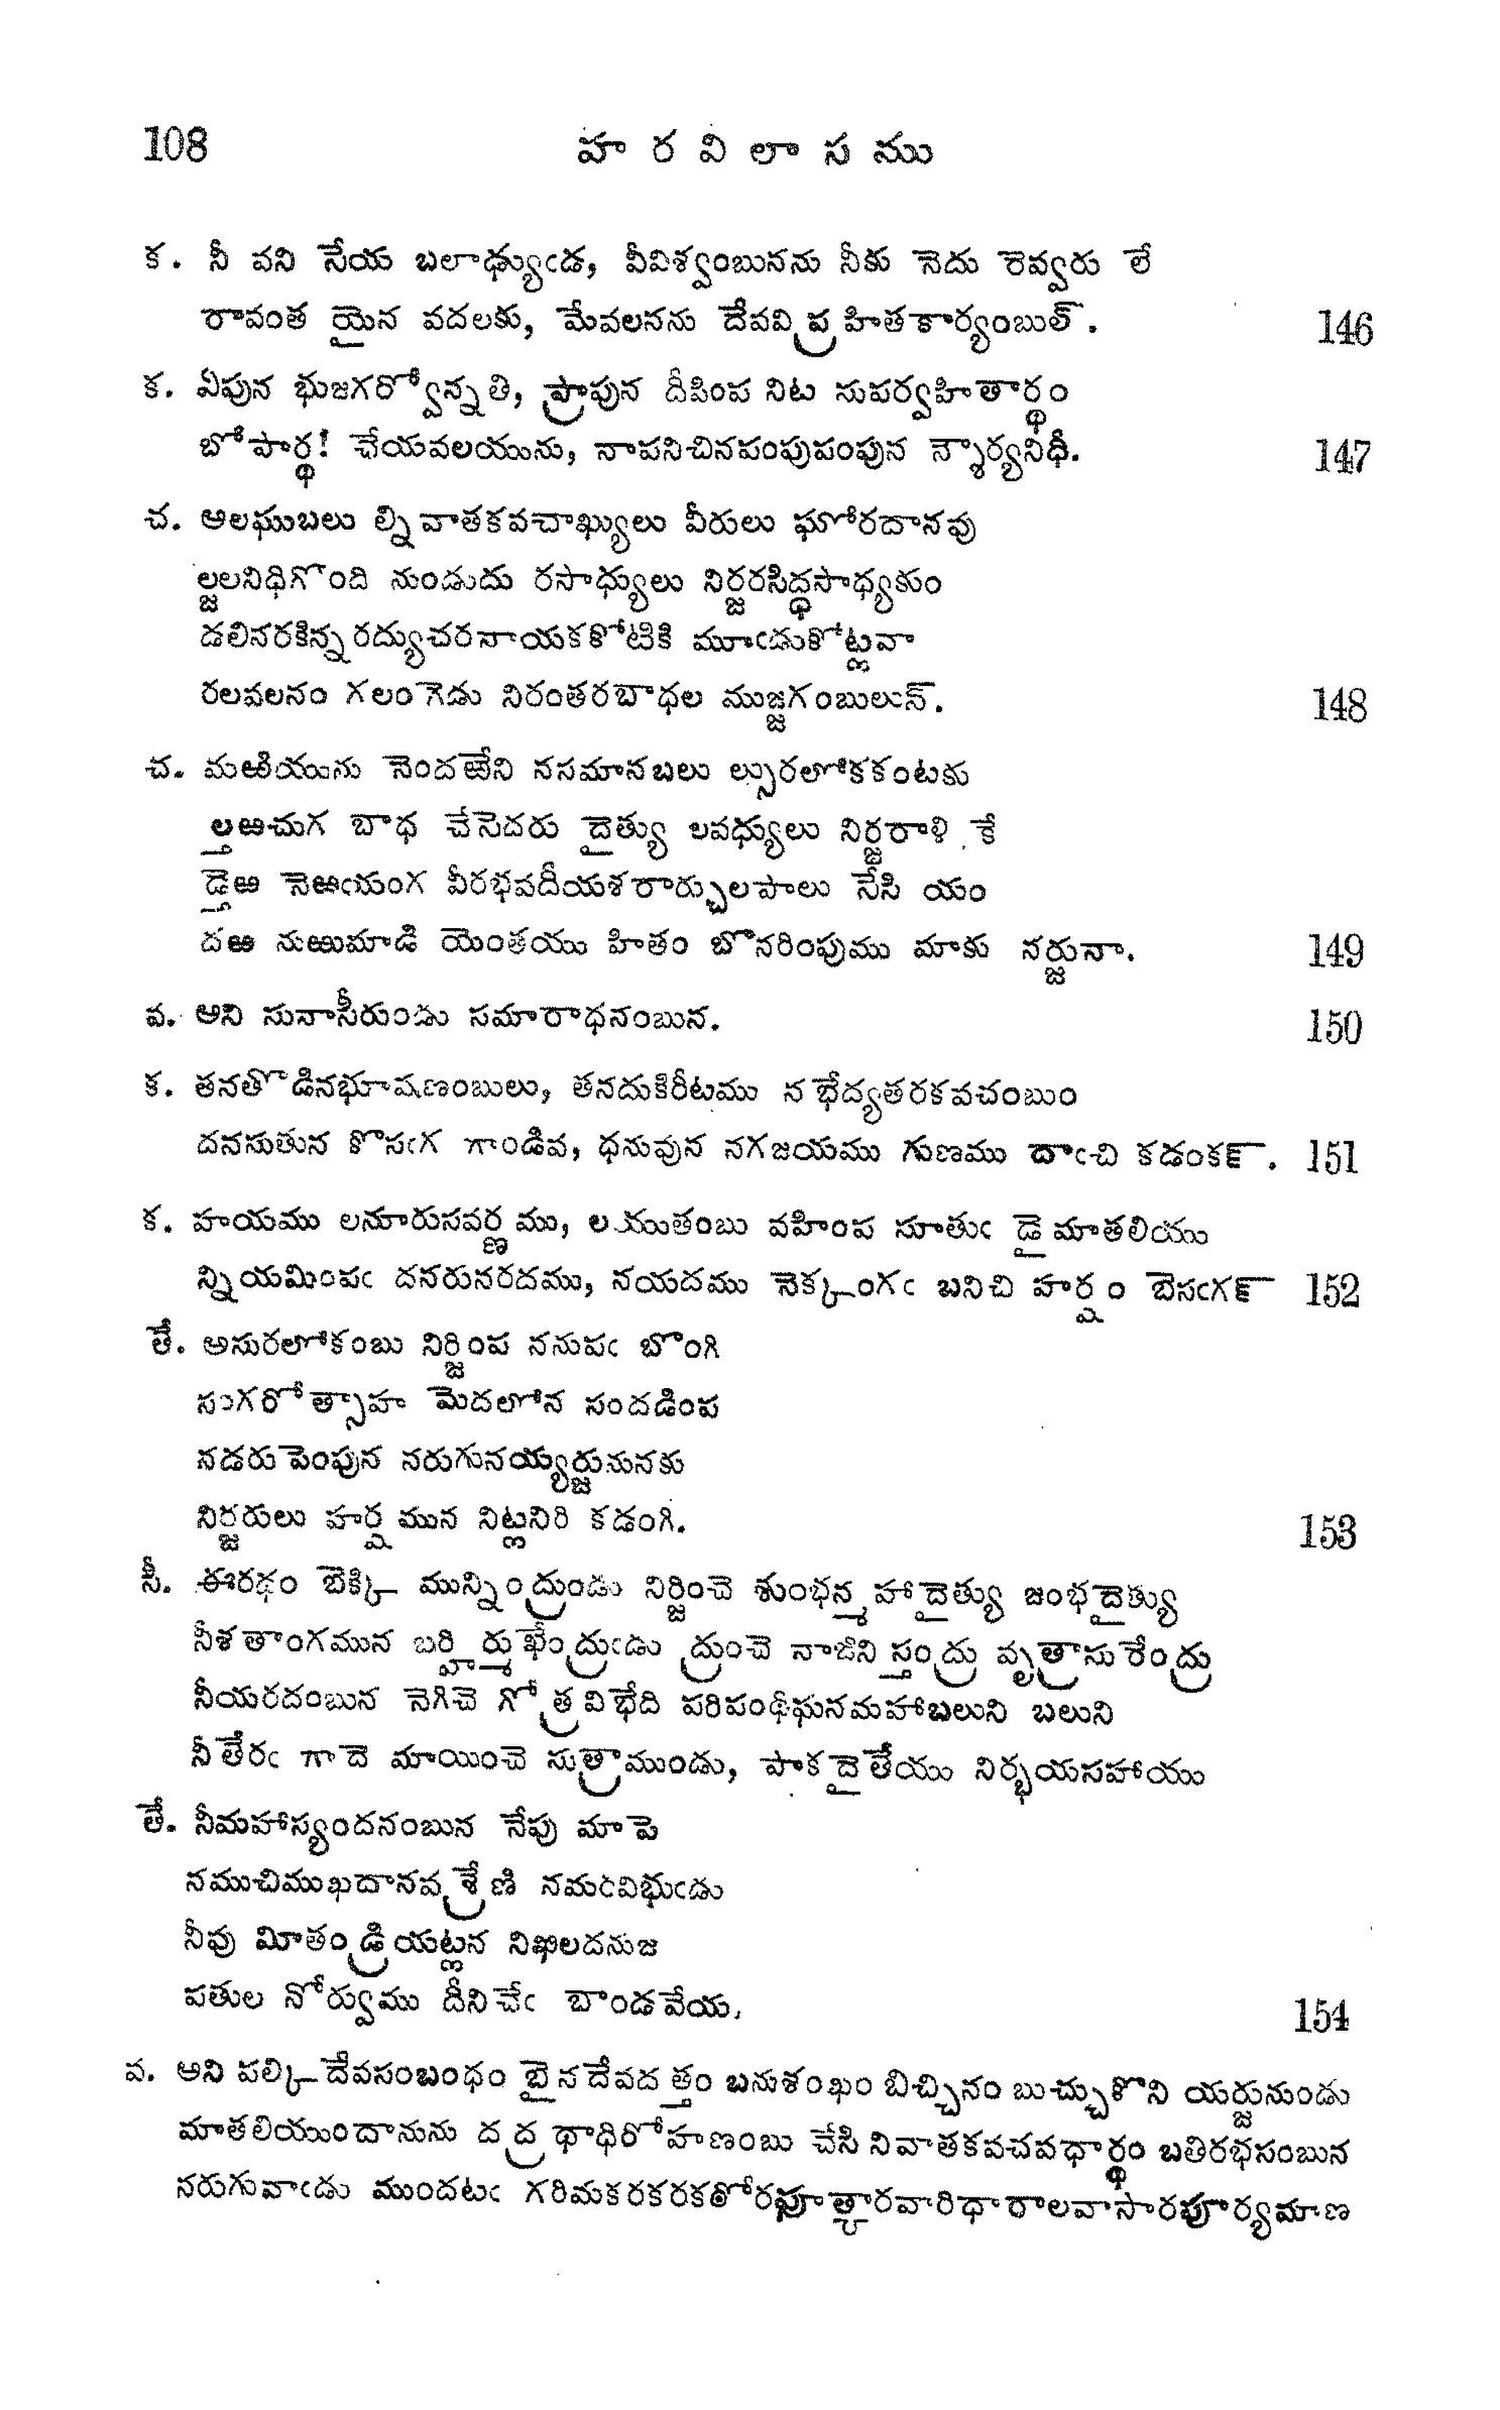క. నీ వని సేయ బలాడ్యుఁడ, వీవిశ్వంబునను నీకు నెదు రెవ్వరు లే
రావంత యైన వదలకు, మేవలనను దేవవిప్రహితకార్యంబుల్. 146

క. ఏపున భుజగర్వోన్నతి, ప్రాపున దీపింప నిట సుపర్వహితార్థం
బొపార్థ! చేయవలయును, నాపనిచినపంపుపంపున న్శౌర్యనిధీ. 147

చ. అలఘుబలు ల్నివాతకవచాఖ్యులు వీరులు ఘోరదానవు
ల్జలనిధిగొంది నుండుదు రసాధ్యులు నిర్జరసిద్ధసాధ్యకుం
డలినరకిన్నరద్యుచరనాయకకోటికి మూఁడుకోట్లవా
రలవలనం గలంగెడు నిరంతరబాధల ముజ్జగంబులున్. 148

చ. మఱియును నెందఱేని నసమానబలు ల్సురలోకకంటకు
ల్తఱచుగ బాధ చేసెదరు దైత్యు లవధ్యులు నిర్జరాళి కే
డ్తెఱ నెలయంగ వీరభవదీయశరార్చులపాలు సేసి యం
దఱ నుఱుమాడి యెంతయు హితం బొనరింపుము మాకు నర్జునా. 149

వ. అని సునాసీరుండు సమారాధనంబున. 150

క. తనతొడినభూషణంబులు, తనదుకిరీటము నభేద్యతరకవచంబుం
దనసుతున కొసఁగ గాండివ, ధనువున నగజయము గుణము దాఁచి కడంకన్. 151

క. హయము లనూరుసవర్లము, లయుతంబు వహింప సూతుఁ డై మాతలియు
న్నియమింపఁ దనరునరదము, నయదము నెక్కంగఁ బనిచి హర్షం బెసఁగన్. 152

తే. అసురలోకంబు నిర్జింప ననుపఁ బొంగి
సంగరోత్సాహ మెదలోన సందడింప
నడరుపెంపున నరుగునయ్యర్జునునకు
నిర్జరులు హర్షమున నిట్లనిరి కడంగి. 153

సీ. ఈరథం బెక్కి మున్నింద్రుండు నిర్జించె శుంభన్మహాదైత్యు జంభదైత్యు
నీశతాంగమున బర్హిర్ముఖేంద్రుఁడు ద్రుంచె నాజి నిస్తంద్రు వృత్రాసురేంద్రు
నీయరదంబున నెగిచె గోత్రవిభేది పరిపంథిఘనమహాబలుని బలుని
నీ తేరఁ గాదె మాయించె సుత్రాముండు, పాకదైతేయు నిర్భయసహాయు
తే. నీమహాస్యందనంబున నేపు మాపె
నముచిముఖదానవశ్రేణి నమరవిభుఁడు
నీవు మీతండ్రియట్లన నిఖిలదనుజ
పతుల నోర్వుము దీనిచేఁ బాండవేయ. 154
 

వ. అని పల్కి దేవసంబంధం బైనదేవద త్తం బనుశంఖం బిచ్చినం బుచ్చుకొని యర్జునుండు మాతలియుం దానును దద్రథాధిరోహణంబు చేసి నివాతకవచవధార్థం బతిరభసంబున నరుగువాఁడు ముందటఁ గరిమకరకరకఠోరఫూత్కారవారిధారాలవాసారపూర్యమాణ